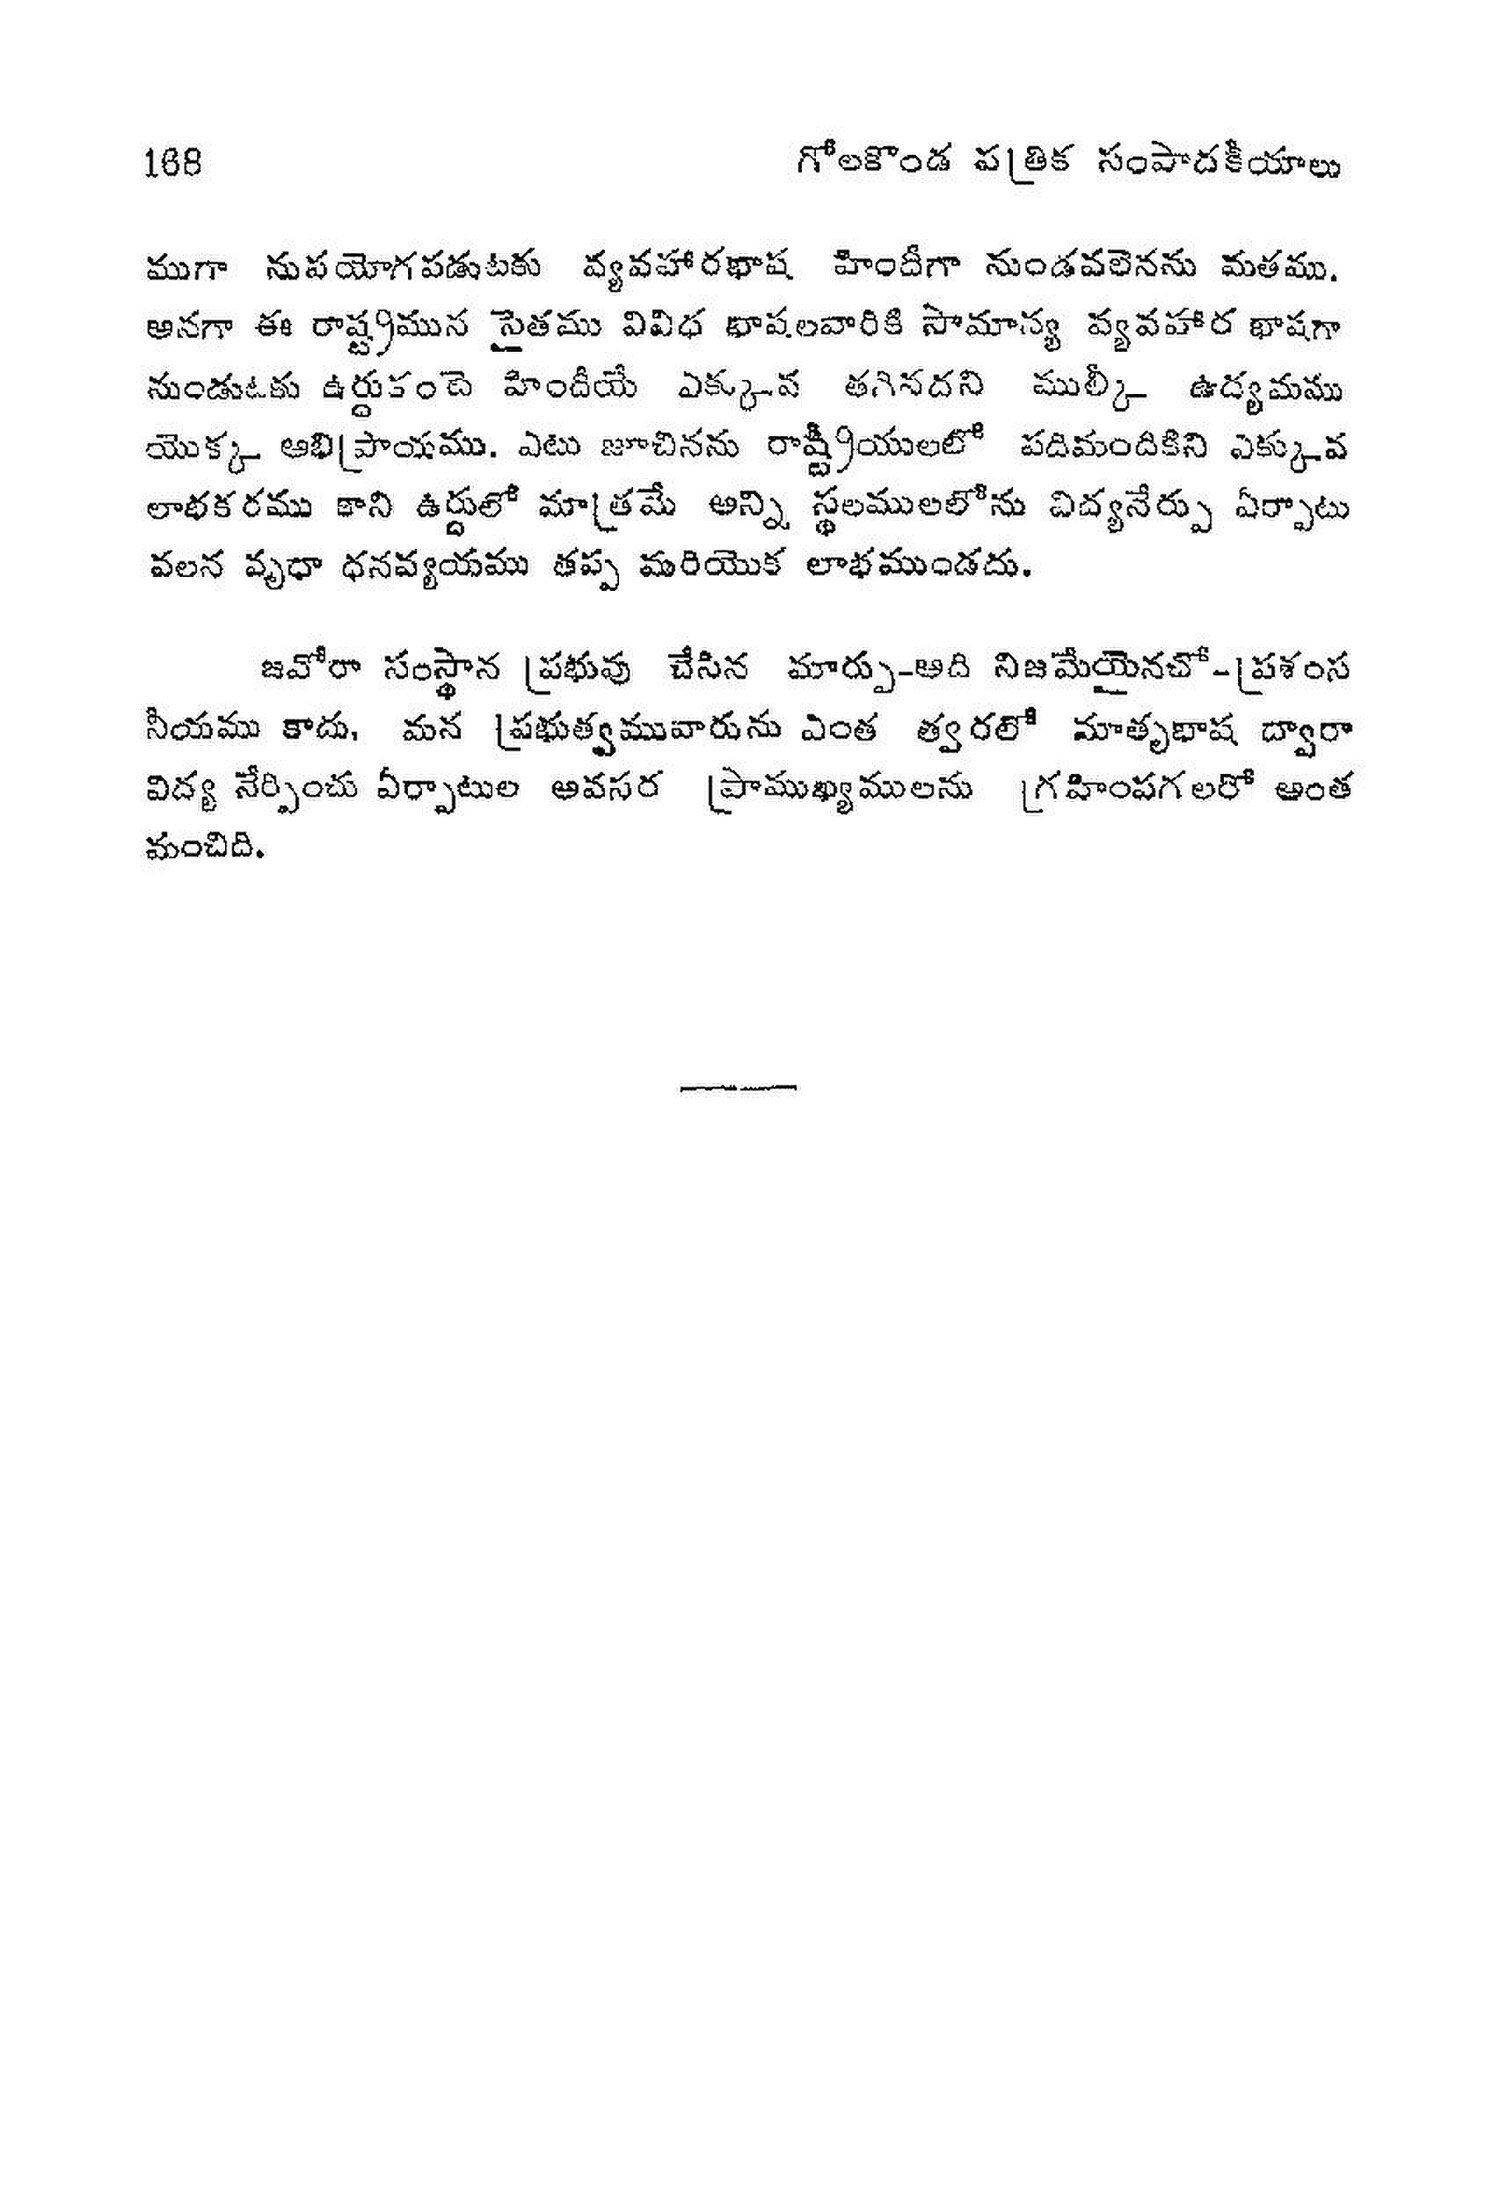ముగా నుపయోగపడుటకు వ్యవహారభాష హిందీగా నుండవలెనను మతము. అనగా ఈ రాష్ట్రమున సైతము వివిధ భాషలవారికి సామాన్య వ్యవహార భాషగా నుండుటకు ఉర్దుకంటె హిందీయే ఎక్కువ తగినదని ముల్కీ ఉద్యమము యొక్క అభిప్రాయము. ఎటు జూచినను రాష్ట్రీయులలో పదిమందికిని ఎక్కువ లాభకరము కాని ఉర్దులో మాత్రమే అన్ని స్థలములలోను విద్యనేర్పు ఏర్పాటు వలన వృధా ధనవ్యయము తప్ప మరియొక లాభముండదు.

జవోరా సంస్థాన ప్రభువు చేసిన మార్పు - అది నిజమేయైనచో - ప్రశంసనీయము కాదు. మన ప్రభుత్వమువారును ఎంత త్వరలో మాతృభాష ద్వారా విద్య నేర్పించు ఏర్పాటుల అవసర ప్రాముఖ్యములను గ్రహింపగలరో అంత
మంచిది.